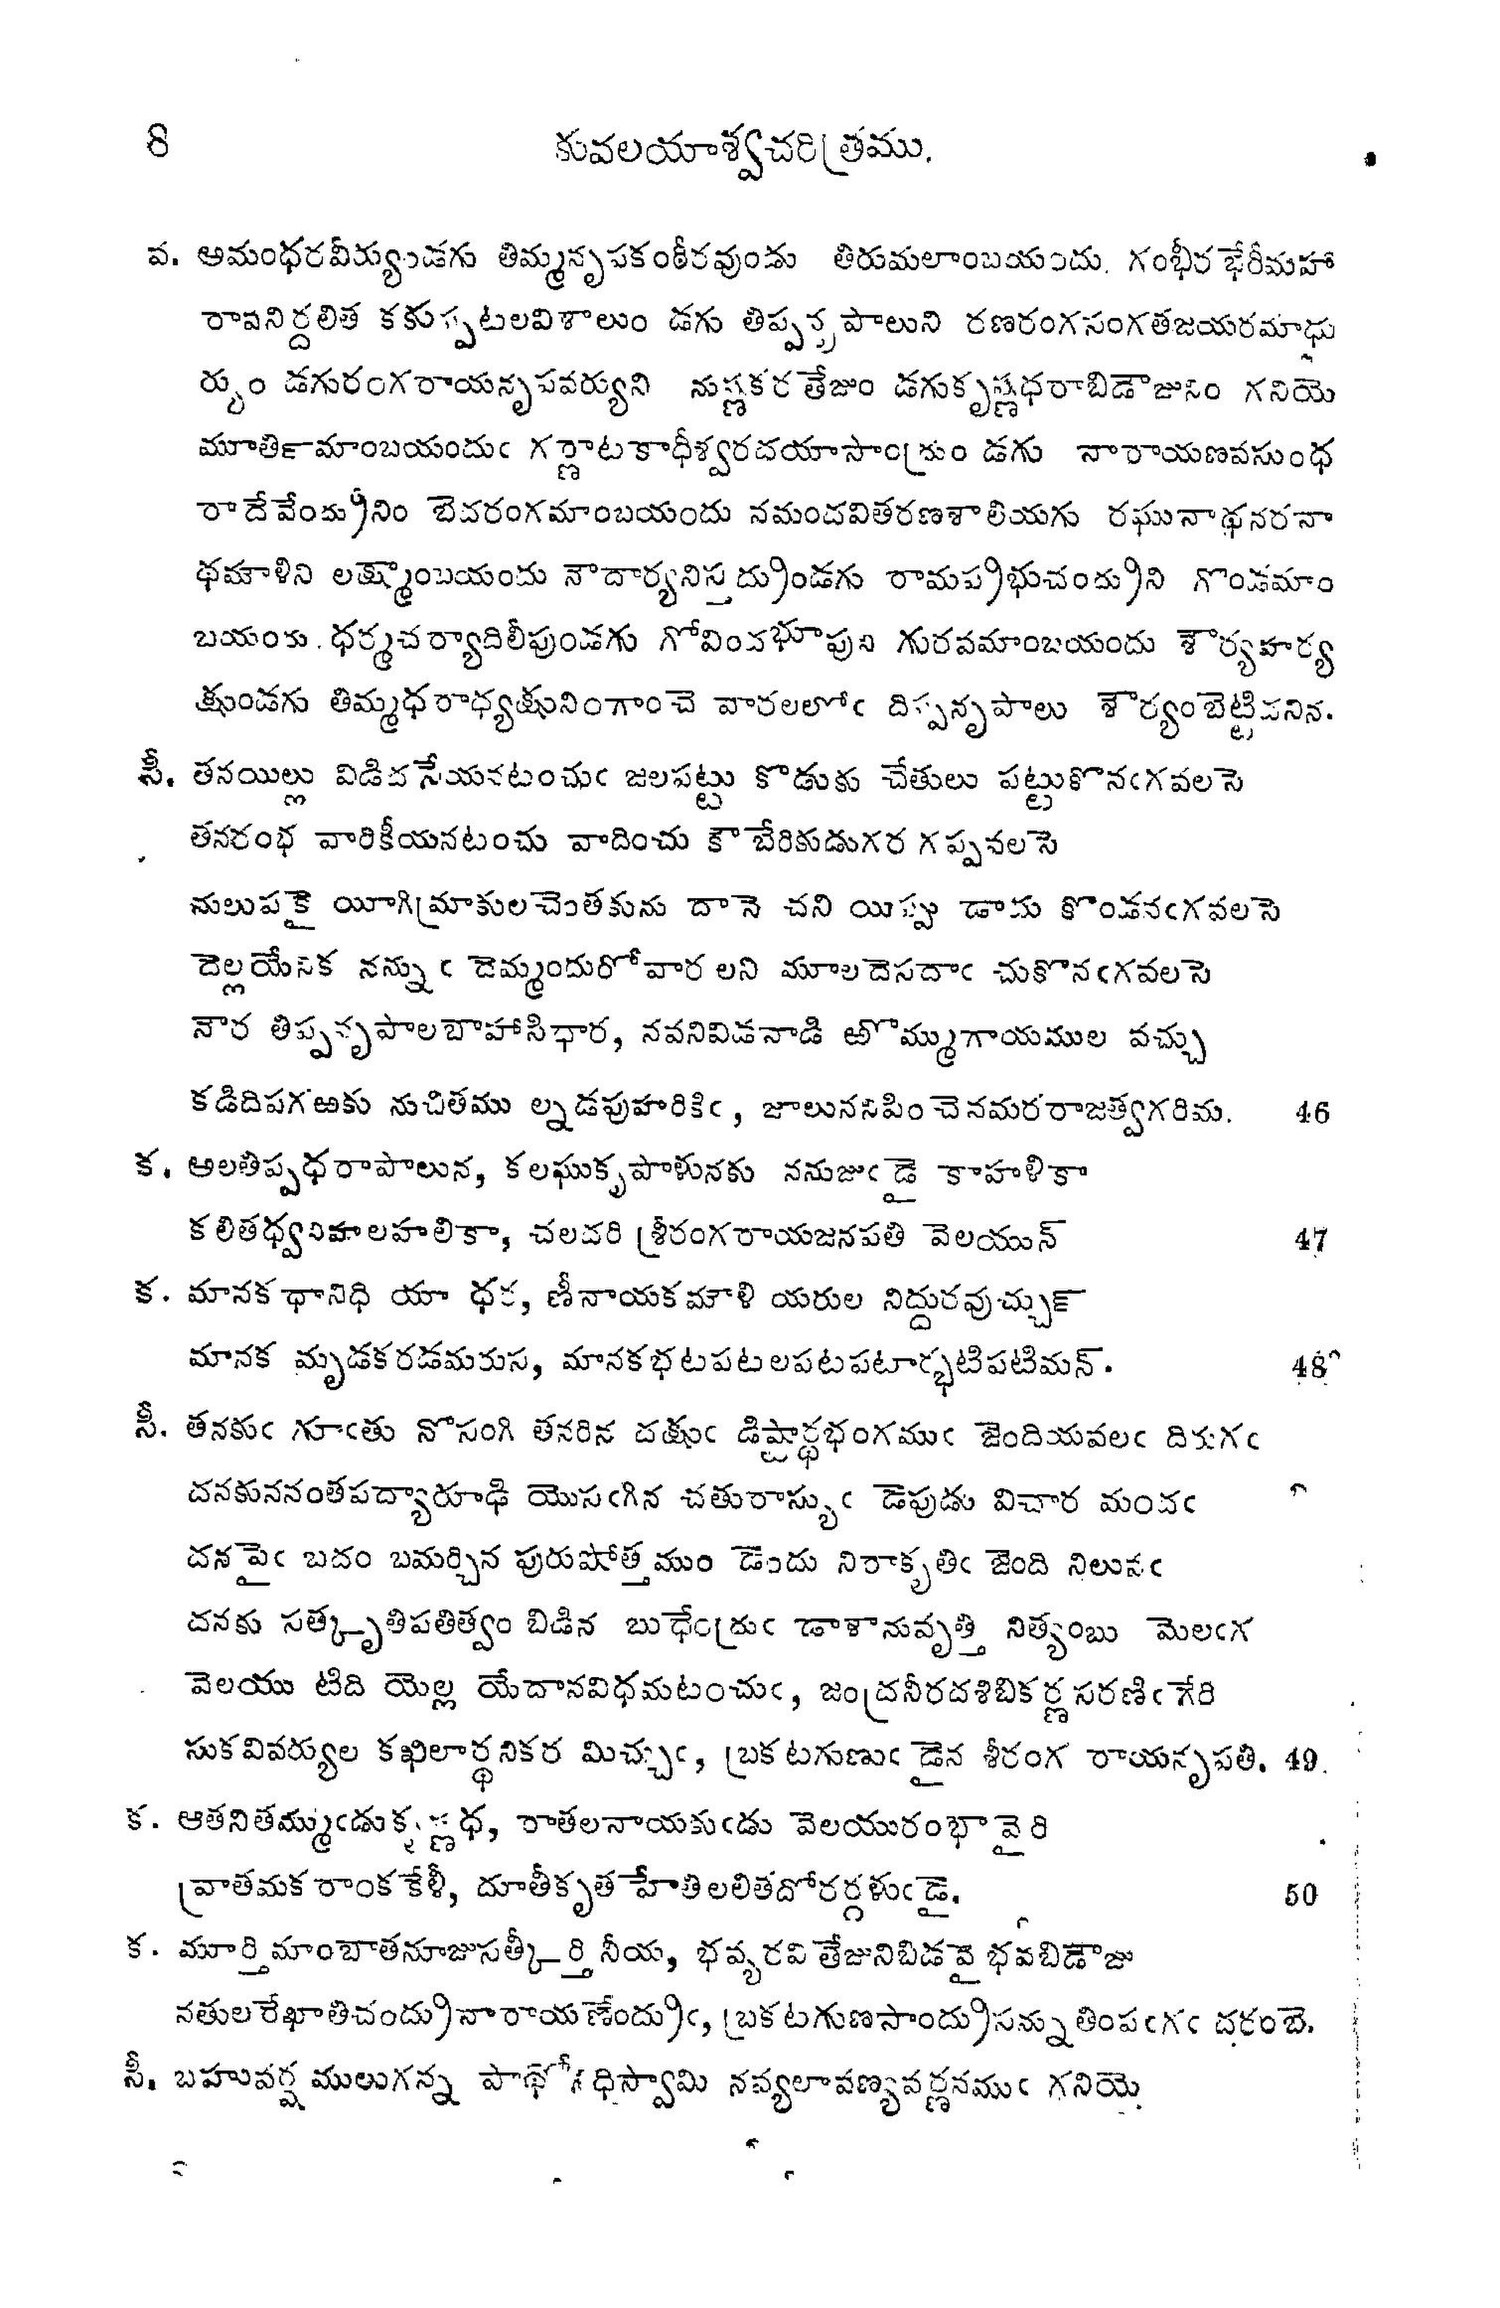వ. అమంధరవీర్యుండగు తిమ్మనృపకంఠీరవుండు తిరుమలాంబయందు గంభీరభేరీమహా
రావనిర్దలితకకుప్పటలవిశాలుం డగు తిప్పనృపాలుని రణరంగసంగతజయరమాధు
ర్యుం డగురంగరాయనృపవర్యుని నుష్ణకరతేజుం డగుకృష్ణధరాబిడౌజునిం గనియె
మూర్తిమాంబయందుఁ గర్ణాటకాధీశ్వరదయాసాంధ్రుం డగు నారాయణవసుంధ
రాదేవేంద్రునిం బెదరంగమాంబయందు నమందవితరణశాలియగు రఘునాథనరనా
థమౌళిని లక్ష్మాంబయందు నౌదార్యనిస్తద్రుండగు రామప్రభుచంద్రుని గొండమాం
బయందు ధర్మచర్యాదిలీపుండగు గోవిందభూపుని గురవమాంబ యందు శౌర్యహర్య
క్షుండగు తిమ్మధరాధ్యక్షునిం గాంచె వారలలోఁ దిప్పనృపాలు శౌర్యం బెట్టి దనిన.
సీ. తనయిల్లు విడిదసేయనటంచుఁ జలపట్టు కొడుకు చేతులు పట్టుకొనఁగవలసె
తనరంభ వారి కీయనటంచు వాదించు కౌబేరికుఁడు గర గప్పవలసె
నులుపకై యీగిమ్రాకులచెంతకును దానె చని యిప్పు డాదుకొం డనఁగవలసె
దెల్లయేనిక నన్నుఁ దెమ్మందురో వార లని మూలదెస దాఁచుకొనఁగవలసె
నౌర తిప్పనృపాల బాహాసిధార, నవని విడనాడి ఱొమ్ముగాయముల వచ్చు
కడిది పగఱకు నుచితము ల్నడపుహరికిఁ, జాలుననిపించె నమరరాజత్వగరిమ.
క. అలతిప్పధరాపాలున, కలఘుకృపాళునకు ననుజుఁ డై కాహళికా
కలితధ్వనిహలహలికా, చలదరి శ్రీరంగరాయజనపతి వెలయున్.
క. మానకథానిధి యాధర, ణీనాయకమౌళి యరుల నిద్దురవుచ్చున్
మానక మృడకరడమరుస, మానకభటపటలపటపటార్భటిపటిమన్.
సీ. తనకుఁ గూఁతు నొసంగి తనరిన దక్షుఁ డిష్టార్ధభంగముఁ జెందియవలఁ దిరుగఁ
దనకు ననంతపద్యారూఢి యొసఁగిన చతురాస్యుఁ డెపుడు విచార మందఁ
దనపైఁ బదం బమర్చిన పురుషోత్తముం డెందు నిరాకృతిఁ జెంది నిలువఁ
దనకు సత్కృతిపతిత్వం బిడిన బుధేంద్రుఁ డాశానువృత్తి నిత్యంబు మెలఁగ
వెలయు టిది యెల్ల యేదానవిధమటంచుఁ , జంద్రనీరదశిబికర్ణసరణిఁ గేరి
సుకవివర్యుల కఖిలార్థనికర మిచ్చుఁ, బ్రకటగుణుఁ డైన శ్రీరంగరాయనృపతి.49
క. ఆతని తమ్ముఁడు కృష్ణధ, రాతలనాయకుఁడు వెలయురంభావైరి
వ్రాతమకరాంకకేళీ, దూతీకృతహేతి లలితదోరర్గళుఁ డై.
క. మూర్తిమాంబాతనూజు సత్కీర్తి నీయ, భవ్యరవితేజు నిబిడవైభవబిడౌజు
నతులరేఖాతిచంద్రు నారాయణేంద్రు, బ్రకటగుణసాంద్రు సన్నుతింపఁగఁ దరంబె.
సీ. బహువర్షములుగన్న పాథోనిధిస్వామి నవ్యలావణ్యవర్ణనముఁ గనియె